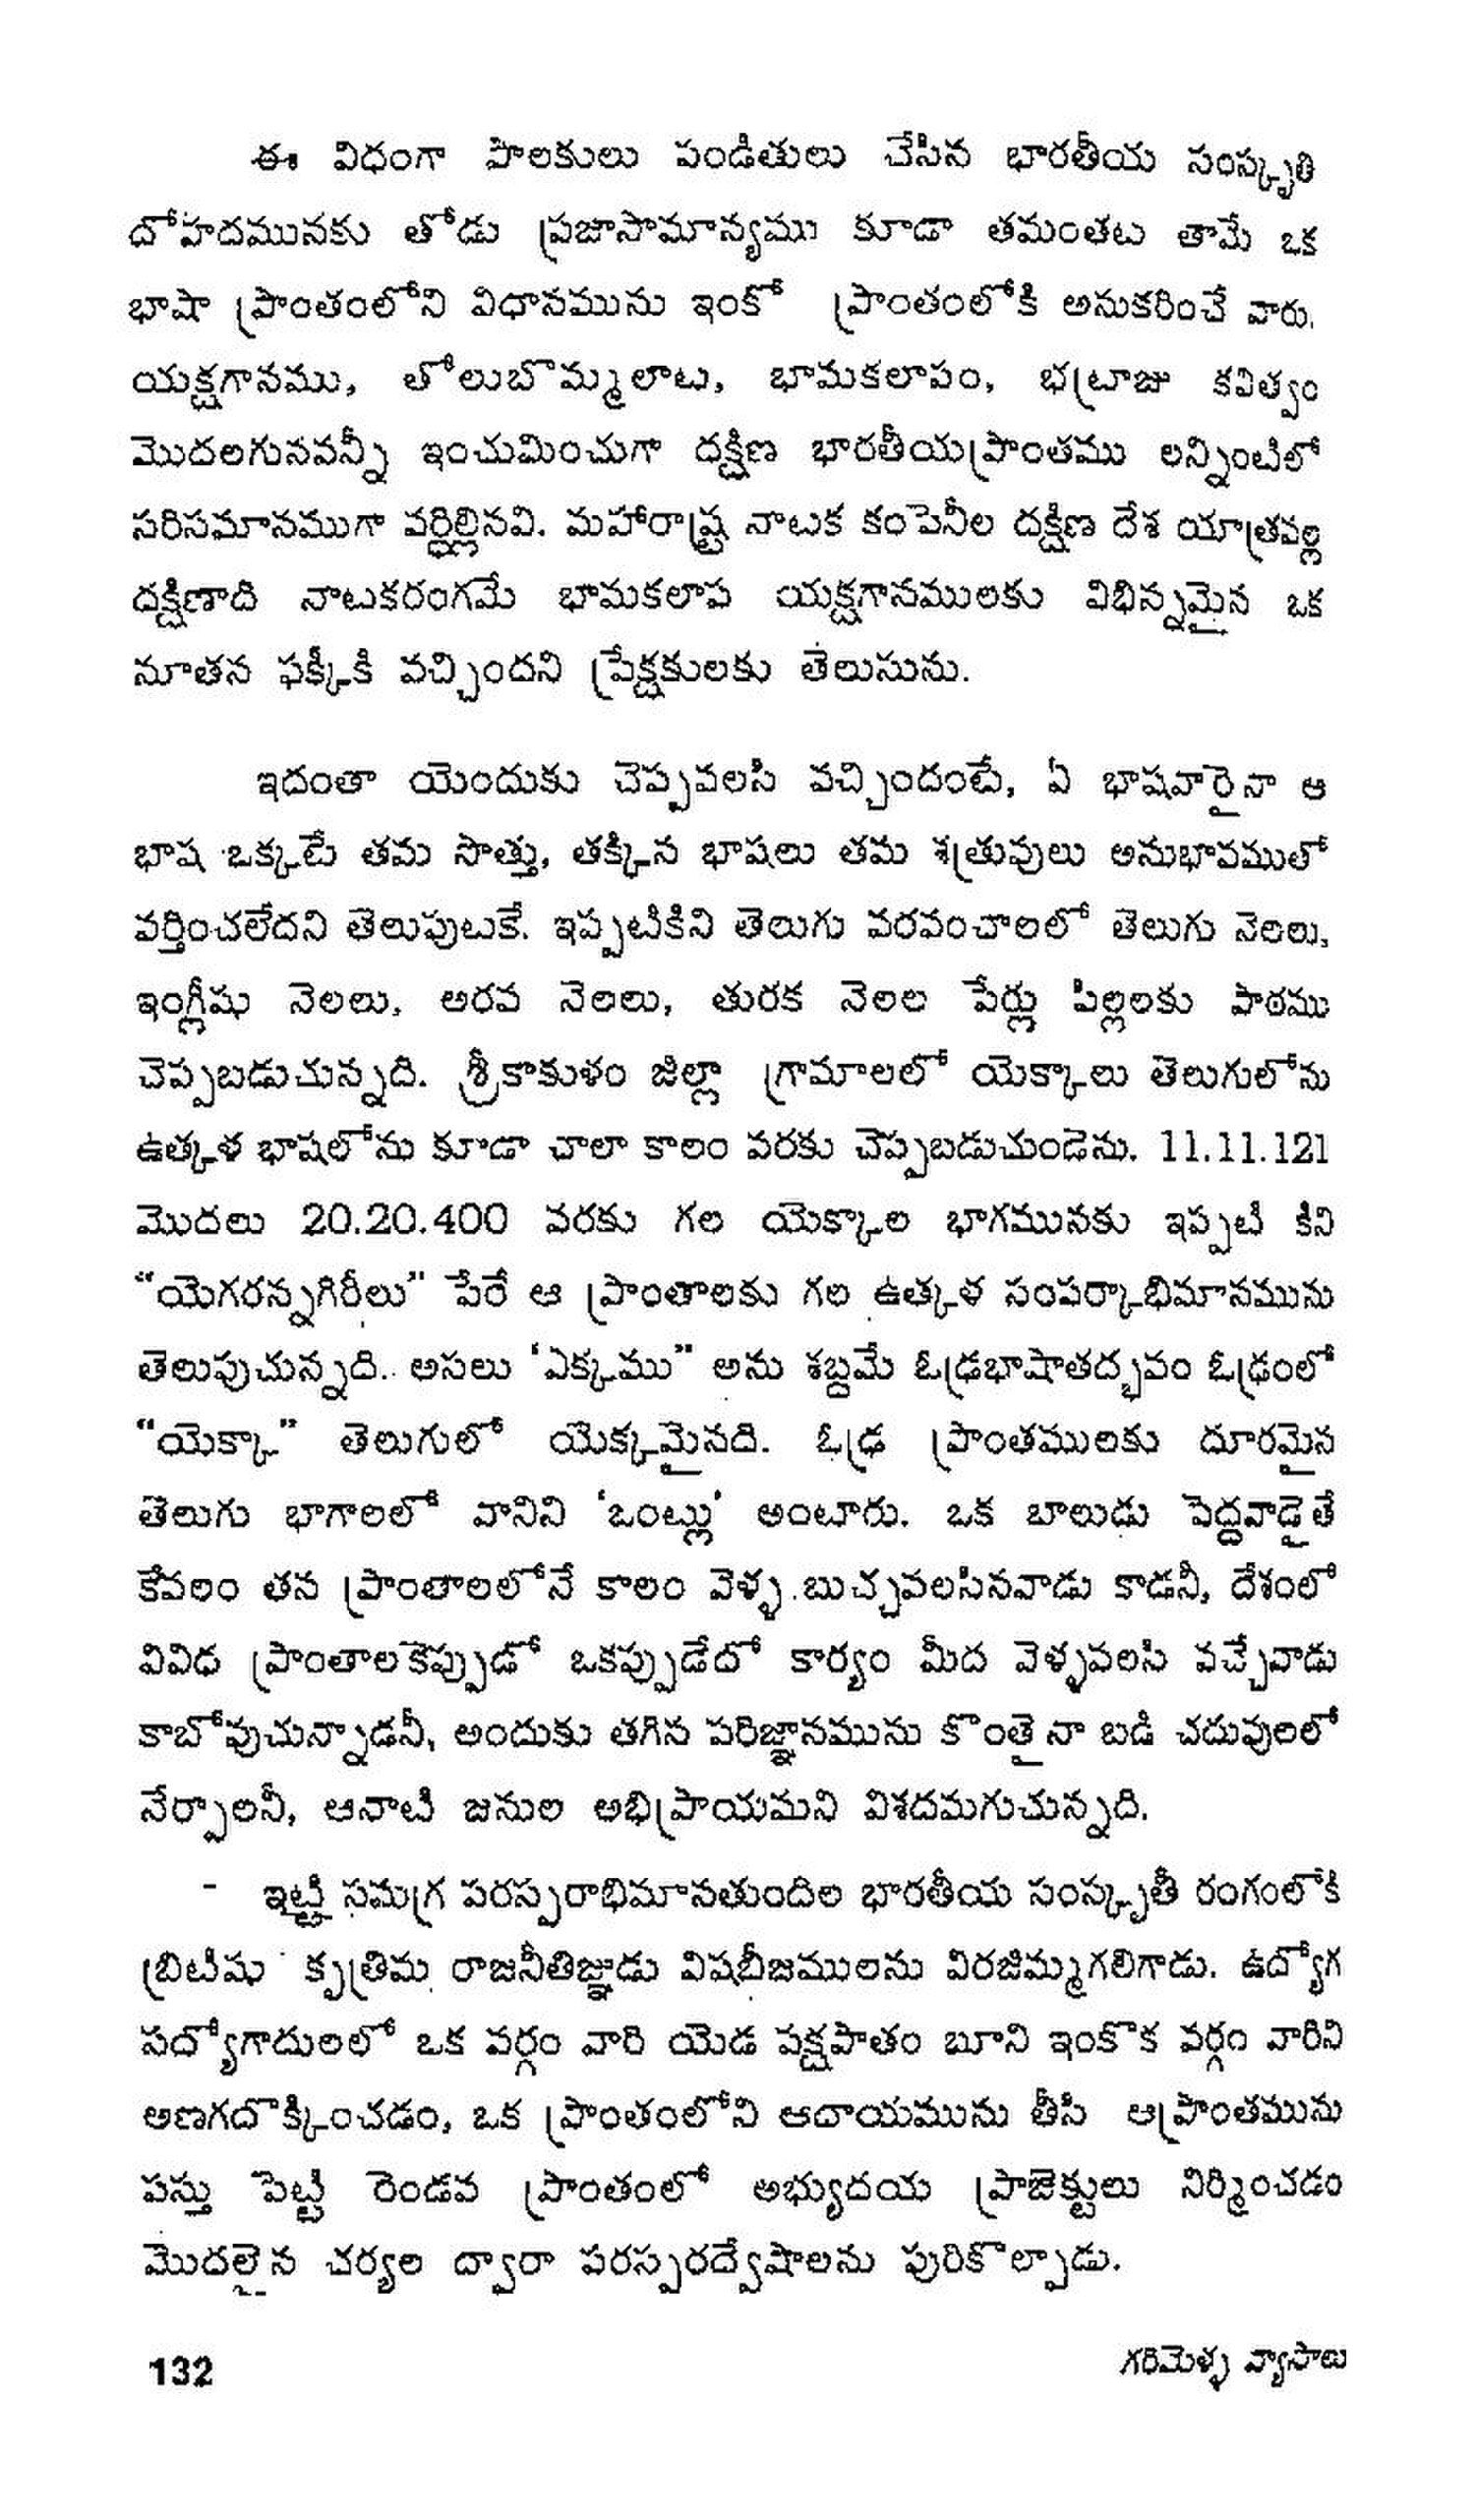ఈ విధంగా పాలకులు పండితులు చేసిన భారతీయ సంస్కృతి దోహదమునకు తోడు ప్రజాసామాన్యము కూడా తమంతట తామే ఒక భాషా ప్రాంతంలోని విధానమును ఇంకో ప్రాంతంలోకి అనుకరించే వారు. యక్షగానము, తోలుబొమ్మలాట, భామకలాపం, భట్రాజు కవిత్వం మొదలగునవన్నీ ఇంచుమించుగా దక్షిణ భారతీయ ప్రాంతము లన్నింటిలో సరిసమానముగా వర్దిల్లినవి. మహారాష్ట్ర నాటక కంపెనీల దక్షిణ దేశ యాత్రవల్ల దక్షిణాది నాటకరంగమే భామకలాప యక్షగానములకు విభిన్నమైన ఒక నూతన ఫక్కీకి వచ్చిందని ప్రేక్షకులకు తెలుసును.

ఇదంతా యెందుకు చెప్పవలసి వచ్చిందంటే, ఏ భాషవారైనా ఆ భాష ఒక్కటే తమ సొత్తు, తక్కిన భాషలు తమ శత్రువులు అనుభావముతో వర్తించలేదని తెలుపుటకే. ఇన్నిటికిని తెలుగు వరపంచాలలో తెలుగు నెలలు, ఇంగ్లీషు నెలలు, అరవ నెలలు, తురక నెలల పేర్లు పిల్లలకు పాఠము చెప్పబడుచున్నది. శ్రీకాకుళం జిల్లా గ్రామాలలో యెక్కాలు తెలుగులోను ఉత్కళ బాషలోను కూడా చాలాకాలం వరకు చెప్పబడుచుండెను. 11.11.121 మొదలు 20.20.400 వరకు గల యెక్కాల భాగమునకు ఇప్పటి కిని "యెగరన్నగిరీలు" పేరే ఆ ప్రాంతాలకు గల ఉత్కళ సంపర్కాభిమానమును తెలుపుచున్నది. అసలు "ఎక్కము" అను శబ్దమే ఓడ్రభాషాతద్బవం ఓడ్రంలో "యెక్కా" తెలుగులో యెక్కమైనది. ఓడ్ర ప్రాంతములకు దూరమైన తెలుగు భాగాలలో వానిని 'ఒంట్లు 'అంటారు. ఒక బాలుడు పెద్దవాడైతే కేవలం తన ప్రాంతాలలోనే కాలం వెళ్ళ బుచ్చవలసినవాడు కాడనీ, దేశంలో వివిధ ప్రాంతాలకెప్పుడో ఒకప్పుడేదో కార్యం మీద వెళ్ళవలసి వచ్చేవాడు కాబోవుచున్నాడనీ, అందుకు తగిన పరిజ్ఞానమును కొంతైనా బడి చదువులలో నేర్పాలనీ, ఆనాటి జనుల అభిప్రాయమని విశదమగుచున్నది.

ఇట్టి సమగ్ర పరస్పరాభిమానతుందిల భారతీయ సంస్కృతీ రంగంలోకి బ్రిటిషు కృత్రిమ రాజనీతిజ్ఞుడు విషభీజములను విరజిమ్మగలిగాడు. ఉద్యోగ సద్యోగాదులలో ఒక వర్గం వారి యెడ పక్షపాతం బూని ఇంకొక వర్గం వారిని అణగదొక్కించడం, ఒక ప్రాంతములోని ఆదాయమును తీసి ఆప్రాంతమును పస్తు పెట్టి రెండవ ప్రాంతంలో అభ్యుదయ ప్రాజెక్టులు నిర్మించడం మొదలైన చర్యల ద్వారా పరస్పరద్వేషాలను పురికొల్పాడు.